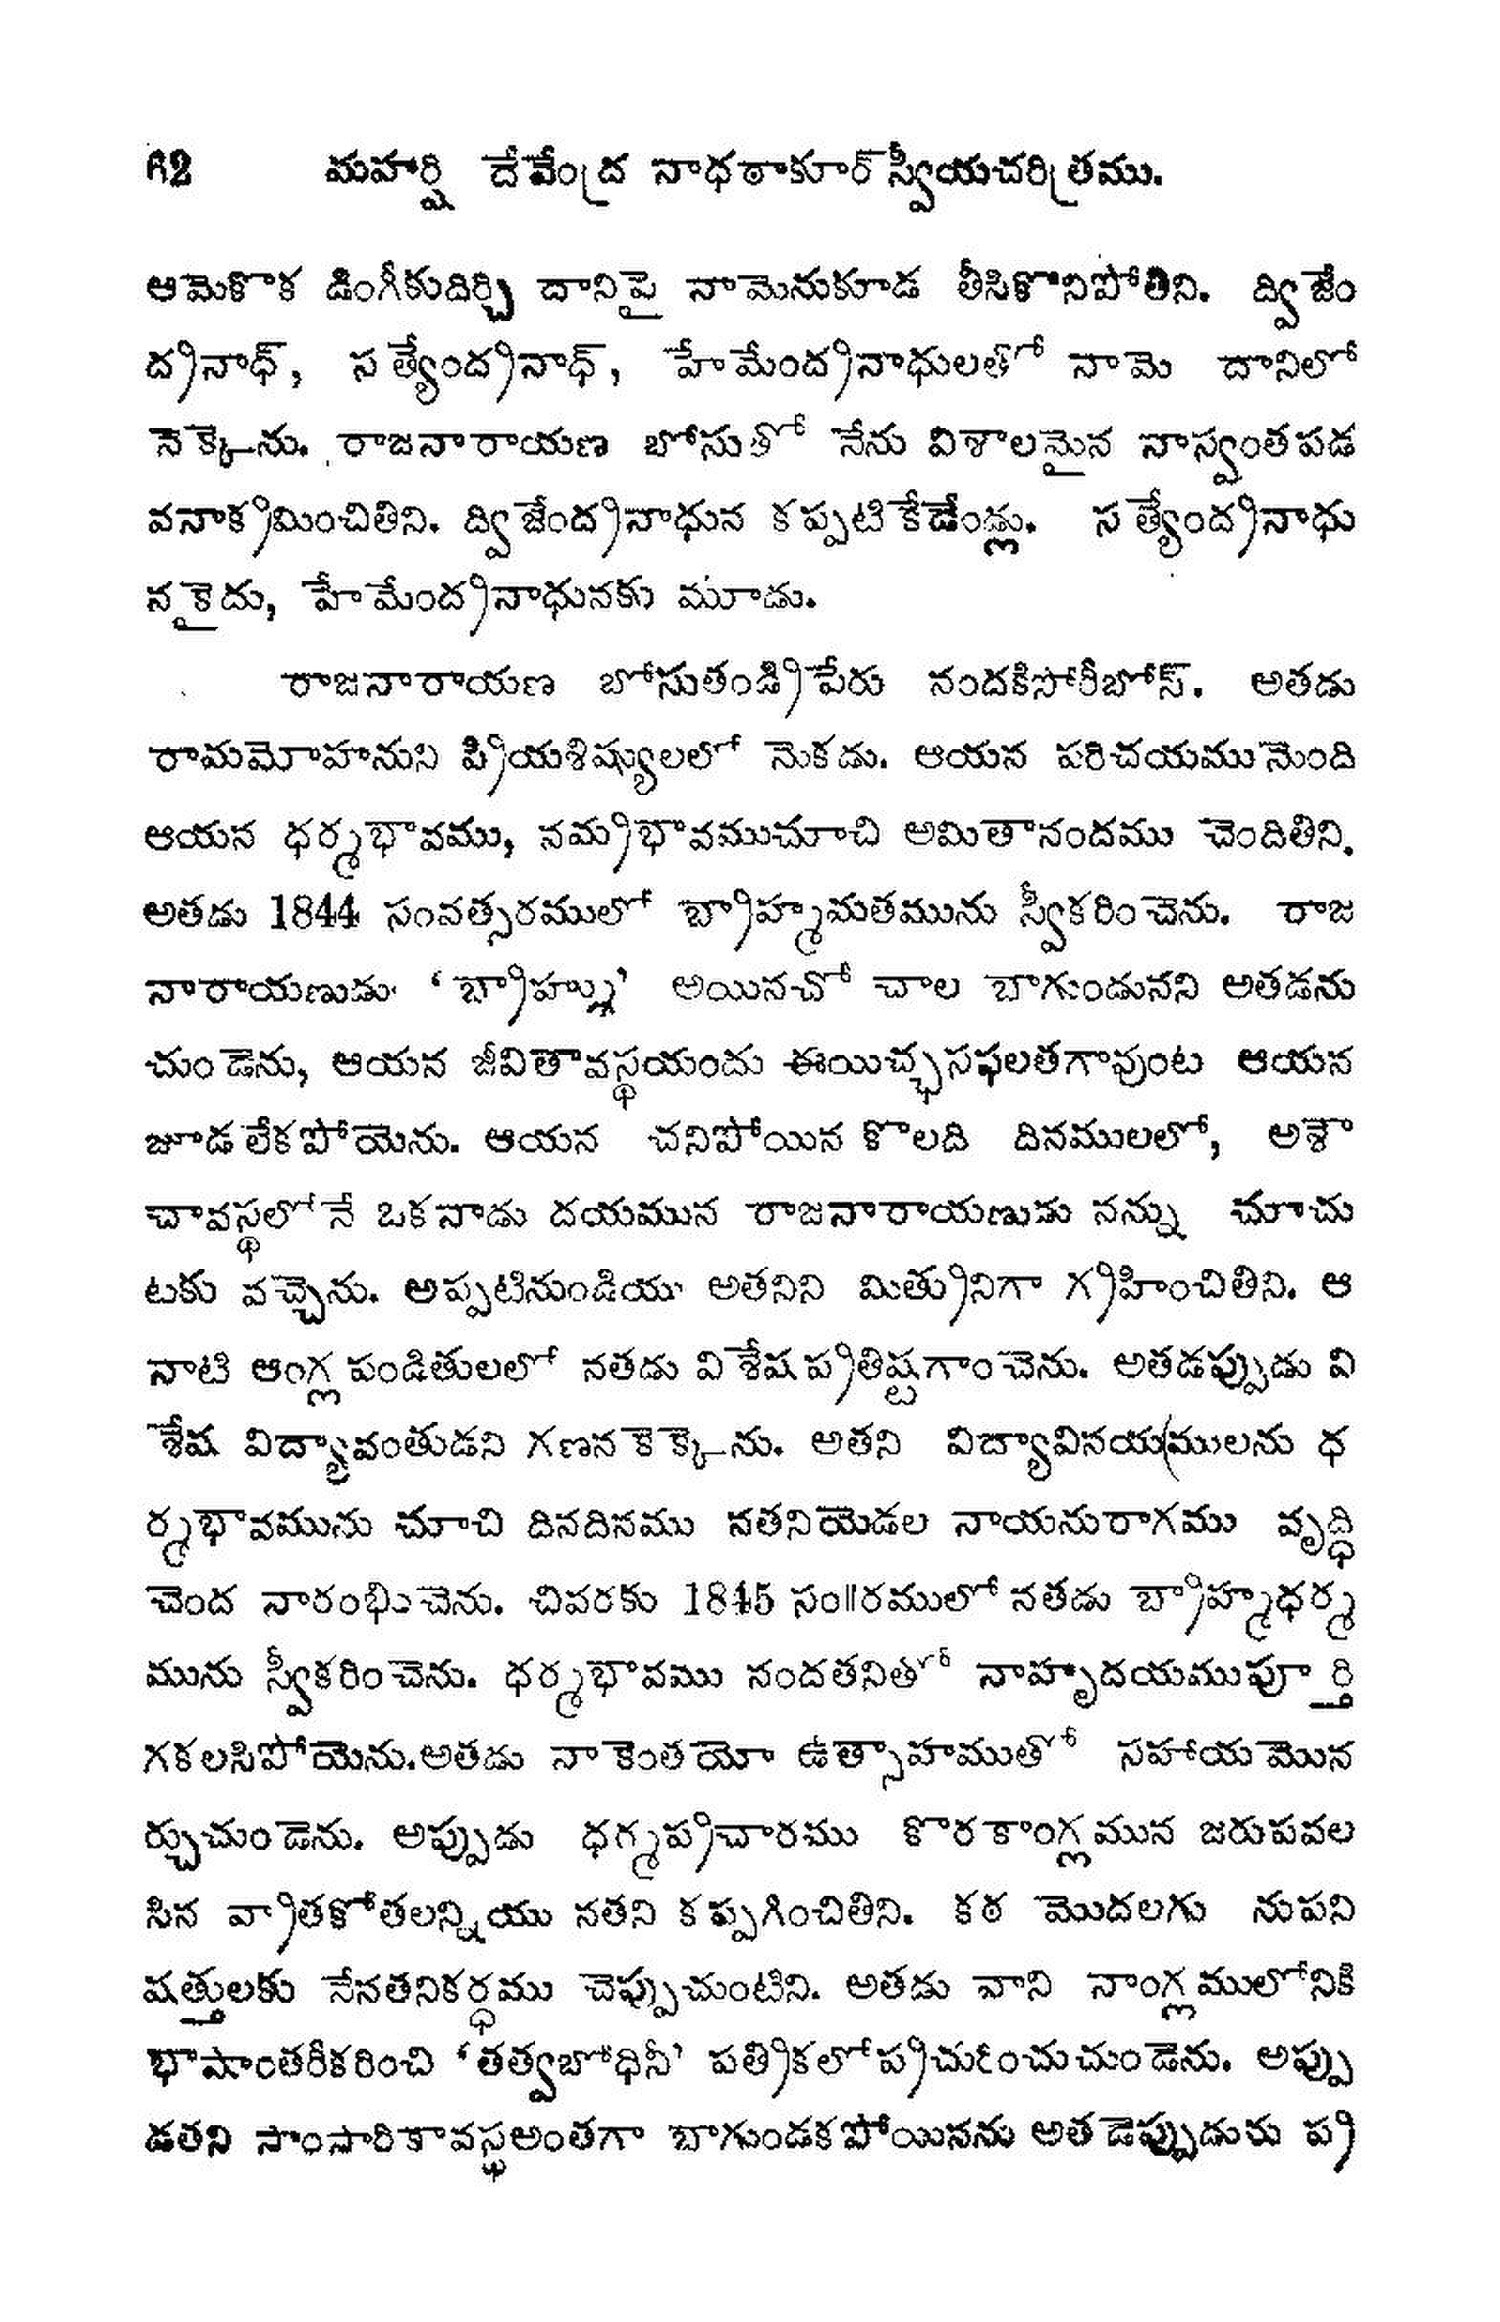ఆమెకొక డింగీకుదిర్చి దానిపై నామెనుకూడ తీసికొని పోతిని. ద్విజేంద్రనాధ్ , సత్యేంద్రనాధ్ , హేమేంద్రనాధులలో నామె దానిలో నెక్కెను. రాజనారాయణ బోసుతో "నేను విశాలమైన నాస్వంత పడవనాక్రమించితిని, ద్వి జేంద్రనాధున కప్పటి కేడేండ్లు, సత్యేందనాదునకైదు, హేమేంద్రనాధునకు మూడు.

రాజు నారాయణ బోసుతండ్రి పేరు నందకీసోరీబోస్. అతడు రామమోహనునిప్రియశిష్యులలో ఒకడు. ఆయన పరిచయము నుంది ఆయన ధర్మభావము, నమభావముచూచి అమితానందము చెందితిని,
అతడు 1844 సంవత్సరములో బ్రాహ్మమతమును స్వీకరించెను.
నారాయణుడు' ' 'బ్రాహ్ము' అయినచో చాల బాగుండునని అతడను
చుండెను, ఆయన జీవితావస్థయందు ఈయిచ్ఛసఫలత గావుంట ఆయన
జూడ లేకపోయెను. ఆయన చనిపోయిన కొలది దినములలో, అశౌ
చావస్థలోనే ఒక నాడుదయమున రాజనారాయణుడు నన్ను చూచు
టకు వచ్చెను. అప్పటినుండియు అతనిని మిత్రునిగా గ్రహించితిని.
నాటి ఆంగ్ల పండితులలో నతడు విశేష ప్రతిష్టగాంచెను. అతడప్పుడు వి
శేష విద్యావంతుడని గణన కెక్కెను. అతని విద్యావినయములను ధ
ర్మభావమును చూచి దినదినము నతనియెడల నాయనురాగము వృద్ధి
చెంద నారంబించెను. చివరకు 1815 సం||రములో నతడు బాహ్మధర్మమును స్వీకరించెను. ధర్మభావము నందతనితో " నా హృదయము పూర్తిగకలసి పోయెను. అతడు నా కెంతయో ఉత్సాహముతో సహాయ మొనర్చుచుండెను. అప్పుడు ధర్మప్రచారము కొర కాంగ్లమున జరుపవలసిన వ్రాతకోతలన్నియు నతని కప్పగించితిని. కఠ మొదలగు నుపనిషత్తులకు నేనతనికర్దము చెప్పుచుంటిని. అతడు వాని నాంగ్లములోనికి భాషాంతరీకరించి 'తత్వబోధినీ' పతికికలో ప్రచుర్తించుచుండెను. అప్పు
డతని సొంసారి కావస్థ అంతగా బాగుండక పోయినను అత డెప్పుడును ప్ర